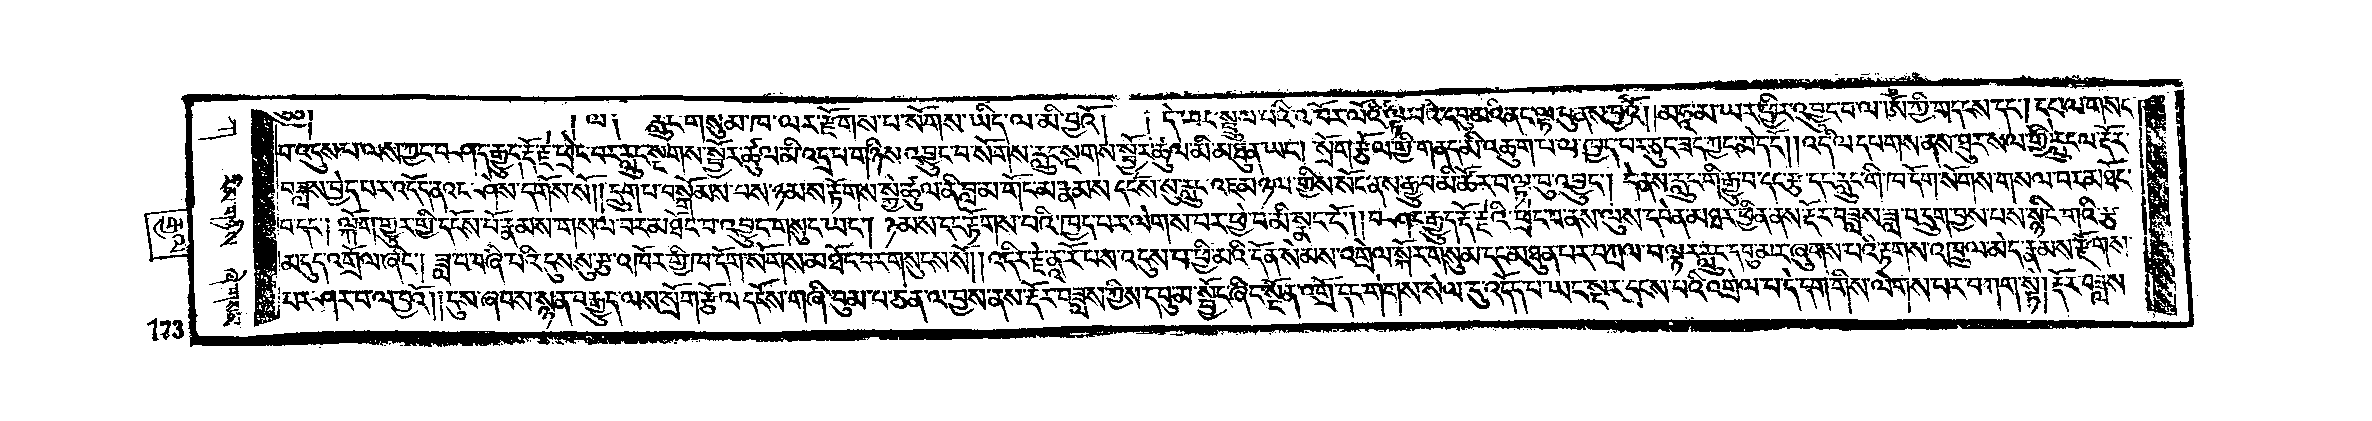༄༅། །ལ། རླུང་གསུམ་ཁ་ལར་རྫོགས་པ་སོགས་ཡིད་ལ་མི་བྱའོ། །དེ་ཡང་སྤྲུལ་པའི་འཁོར་ལོའི་ལྟ་བའི་དབུ་མའི་ནང་ལྟ་བུ་ནས་བྱའོ། །མ་ཧཱ་མ་ཡར་ཕྱིར་འབྱུང་བ་ལ་ཨོཾ་གྱི་གདངས་དང་། དཔལ་གསང་
བ་འདུས་པ་ལས་ཀྱང་བཤད་རྒྱུད་རྡོ་རྗེ་ཕྲེང་བར་རླུང་སྔགས་སྦྱོར་ཚུལ་མི་འདྲ་བ་གཉིས་འབྱུང་བ་སོགས་རླུང་སྔགས་སྦྱོར་ཚུལ་མི་མཐུན་ཡང་། སྲོག་རྩོལ་གྱི་གནད་མི་འཚུག་པ་ལ་ཁྱད་པར་ཅུང་ཟད་ཀྱང་མེད་དོ། །འདི་ལ་དཔགས་ནས་ཐུར་སལ་གྱི་རླུང་ལ་རྡོར་
བཟླས་བྱེད་པར་འདོད་ནའང་ཤེས་དགོས་སོ། །དྲུག་པ་བསྒོམས་པས་ཉམས་རྟོགས་སྐྱེ་ཚུལ་ནི་བླ་མ་གོང་མ་རྣམས་དངོས་སུ་རླུང་འཇམ་ཉལ་གྱིས་སོང་ནས་རྒྱུ་བ་མི་ཚོར་བ་ལྟ་བུ་འབྱུང་། དེ་ནས་རླུང་གི་རྒྱུ་བ་དང་རྩ་དང་རླུང་གི་ཁ་དོག་སོགས་གསལ་བར་མཐོང་
བ་དང་། ལྐོག་གྱུར་གྱི་དངོས་པོ་རྣམས་གསལ་བར་མཐོང་བ་འབྱུང་གསུང་ཡང་། ཉམས་དང་རྟོགས་པའི་ཁྱད་པར་ལེགས་པར་ཕྱེ་བ་མི་སྣང་ངོ། །བཤད་རྒྱུད་རྡོ་རྗེའི་ཕྲེང་བ་ནས་ལུས་དབེན་མཐར་ཕྱིན་ནས་རྡོར་བཟླས་ཟླ་བ་དྲུག་བྱས་པས་སྙིང་གའི་རྩ་
མདུད་འགྲོལ་ཞིང་། ཟླ་བ་བཞི་པའི་དུས་སུ་རྩ་འཁོར་གྱི་ཁ་དོག་སོགས་མཐོང་བར་གསུངས་སོ། །འདིར་རྗེ་ནཱ་རོ་པས་འདུས་པ་ཕྱི་མའི་དོན་སེམས་འགྲེལ་སྐོར་གསུམ་དང་མཐུན་པར་བཀྲལ་བ་ལྟར་རླུང་དབུ་མར་ཞུགས་པའི་རྟགས་འཁྲུལ་མེད་རྣམས་རྫོགས་
པར་ཤར་བ་ལ་བྱའོ། །དུས་ཞབས་སྙན་བརྒྱུད་ལས་སྲོག་རྩོལ་དངོས་གཞི་བུམ་པ་ཅན་ལ་བྱས་ནས་རྡོར་བཟླས་ཀྱིས་དབུ་མ་སྦྱོང་ཞིང་སྔོན་འགྲོ་དང་གེགས་སེལ་དུ་འདོད་པ་ཡང་སྔར་དྲངས་པའི་འགྲེལ་པ་དེ་དག་གིས་ལེགས་པར་བཀག་སྟེ། རྡོར་བཟླས་